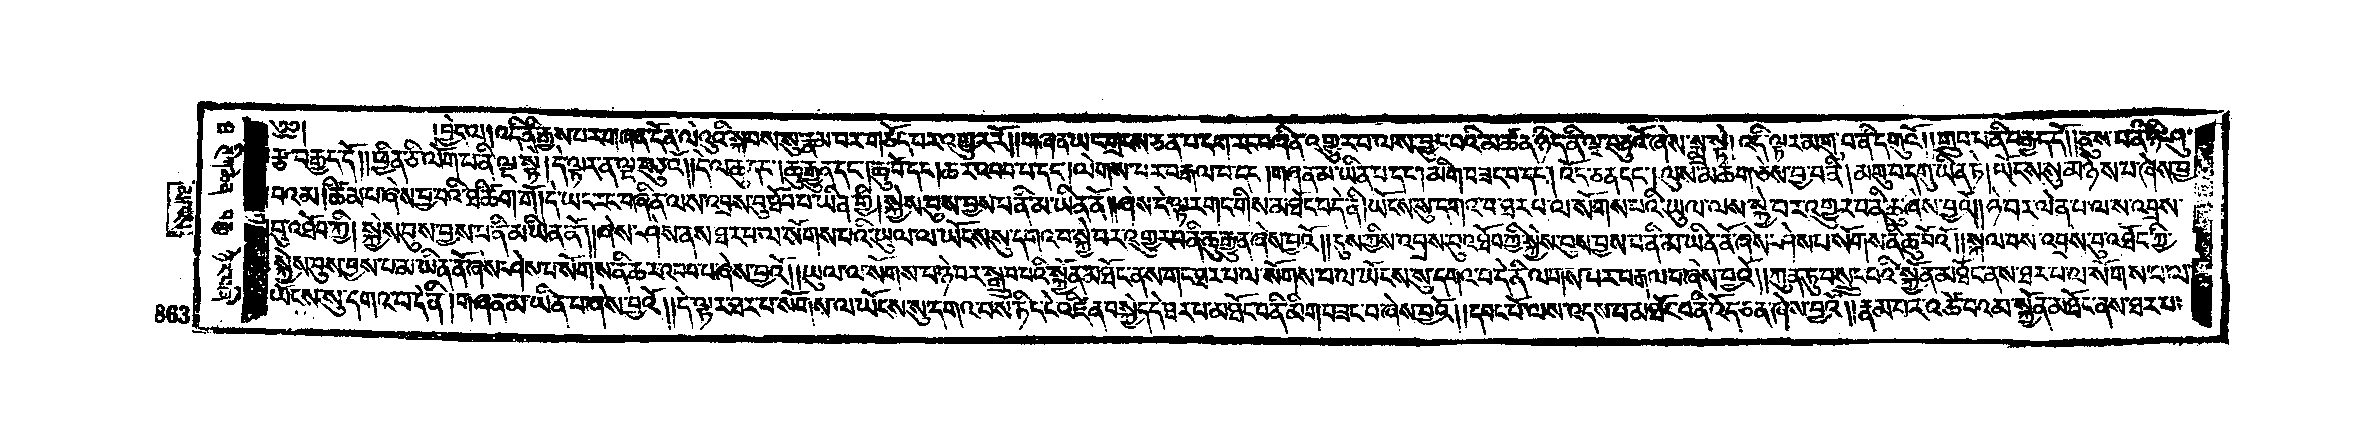༄༅། །བྱེད་ལ། འདི་ནི་རྒྱས་པར་གཞན་དོན་ལེའུའི་སྐབས་སུ་རྣམ་པར་གཅོད་པར་འགྱུར་རོ། །གཞན་ཡང་གྲངས་ཅན་པ་དག་རང་བཞིན་འགྱུར་བ་ལས་བྱུང་བའི་མཚན་ཉིད་ནི་ལྔ་བཅུའོ་ཞེས་སྨྲ་སྟེ། འདི་ལྟར་མགུ་བ་ནི་དགུའོ། །གྲུབ་པ་ནི་བརྒྱད་དོ། །ནུས་པ་ནི་ཉི་ཤུ་
རྩ་བརྒྱད་དོ། །ཕྱིན་ཅི་ལོག་པ་ནི་ལྔ་སྟེ། དེ་ལྟར་ན་ལྔ་བཅུའོ། །དེ་ལ་ཆུ་དང་། ཆུ་རྒྱུན་དང་། ཆུ་བོ་དང་། ཆར་འབབ་པ་དང་། ལེགས་པར་བརྒལ་པ་དང་། གཞན་མ་ཡིན་པ་དང་། མིག་བཟང་བ་དང་། འོད་ཅན་དང་། ལུས་མཆོག་ཅེས་བྱ་བ་ནི། མགུ་བ་དགུ་ཡིན་ཏེ། ཡོངས་སུ་མཉེས་པ་ཞེས་བྱ་
བའམ། ཚིམ་པ་ཞེས་བྱ་བའི་ཐ་ཚིག་གོ །དེ་ཡང་རང་བཞིན་ལས་འབྲས་བུ་ཐོབ་པ་ཡིན་གྱི། སྐྱེས་བུས་བྱས་པ་ནི་མ་ཡིན་ནོ། །ཞེས་དེ་ལྟར་གང་གིས་མཐོང་བ་དེ་ནི། ཡོངས་སུ་དགའ་བ་ཐར་པ་ལ་སོགས་པའི་ཡུལ་ལས་སྐྱེ་བར་འགྱུར་བ་ནི་ཆུ་ཞེས་བྱའོ། །ཉེ་བར་ལེན་པ་ལས་འབྲས་
བུ་འཐོབ་ཀྱི། སྐྱེས་བུས་བྱས་པ་ནི་མ་ཡིན་ནོ། །ཞེས་ཤེས་ནས་ཐར་པ་ལ་སོགས་པའི་ཡུལ་ལ་ཡོངས་སུ་དགའ་བ་སྐྱེ་བར་འགྱུར་བ་ནི་ཆུ་རྒྱུན་ཞེས་བྱའོ། །དུས་ཀྱིས་འབྲས་བུ་འཐོབ་ཀྱི་སྐྱེས་བུས་བྱས་པ་ནི་མ་ཡིན་ནོ་ཞེས་ཤེས་པ་སོགས་ནི་ཆུ་བོའོ། །སྐལ་བས་འབྲས་བུ་འཐོང་ཀྱི་
སྐྱེས་བུས་བྱས་པ་མ་ཡིན་ནོ་ཞེས་ཤེས་པ་སོགས་ནི་ཆར་འབབ་པ་ཞེས་བྱའོ། །ཡུལ་ལ་སོགས་པ་ཉེ་བར་སྒྲུབ་པའི་སྐྱོན་མཐོང་ནས་གང་ཐར་པ་ལ་སོགས་པ་ལ་ཡོངས་སུ་དགའ་བ་དེ་ནི་ལེགས་པར་བརྒལ་བ་ཞེས་བྱའོ། །ཀུན་ཏུ་བསྲུང་བའི་སྐྱོན་མཐོང་ནས་ཐར་པ་ལ་སོགས་པ་ལ་
ཡོངས་སུ་དགའ་བ་དེ་ནི། གཞན་མ་ཡིན་པ་ཞེས་བྱའོ། །དེ་ལྟར་ཐར་པ་སོགས་ལ་ཡོངས་སུ་དགའ་བས་ཏིང་ངེ་འཛིན་བསྐྱེད་དེ་ཐར་པ་མཐོང་བ་ནི་མིག་བཟང་བ་ཞེས་བྱའོ། །དབང་པོ་ལས་འདས་པ་མཐོང་བ་ནི་འོད་ཅན་ཞེས་བྱའོ། །རྣམ་པར་འཚེ་བའམ་སྐྱོན་མཐོང་ནས་ཐར་པ་